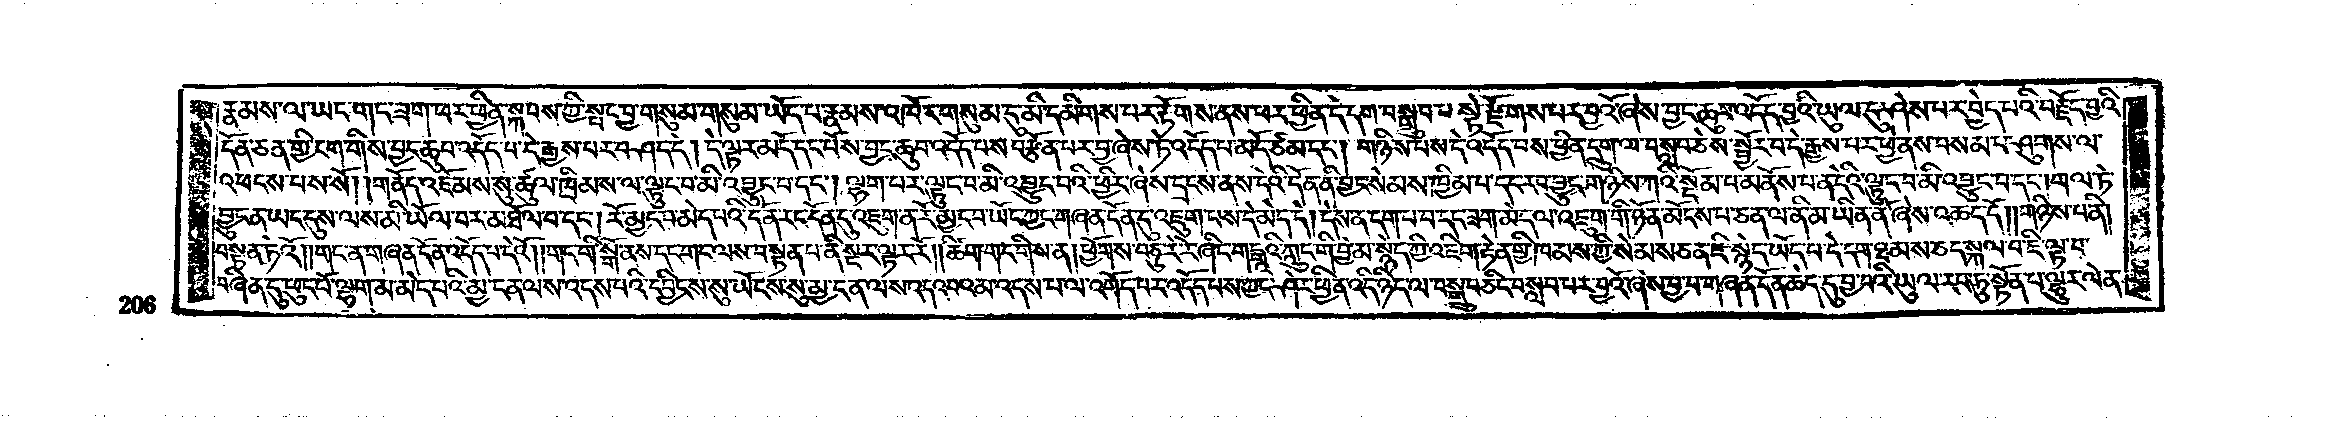རྣམས་ལ་ཡང་གང་ཟག་ཕར་ཕྱིན་སྐབས་ཀྱི་སྤང་བྱ་གསུམ་གསུམ་ཡོད་པ་རྣམས་འཁོར་གསུམ་དུ་མི་དམིགས་པར་རྟོགས་ནས་ཕར་ཕྱིན་དེ་དག་བསྒྲུབ་པ་སྟེ་རྫོགས་པར་བྱའོ་ཞེས་བྱང་ཆུབ་འདོད་བྱའི་ཡུལ་དུ་ཤེས་པར་བྱེད་པའི་བརྗོད་བྱའི་
དོན་ཅན་གྱི་ངག་གིས་བྱང་ཆུབ་འདོད་པ་དེ་རྒྱས་པར་བཤད་དེ། དེ་ལྟར་མདོ་དང་པོས་བྱང་ཆུབ་འདོད་པས་བརྩོན་པར་བྱ་ཞེས་ཏེ་འདོད་པ་མདོ་ཙམ་དང་། གཉིས་པས་དེ་འདོད་པས་ཕྱིན་དྲུག་ལ་བསླབ་ཅེས་སྦྱོར་བ་དེ་རྒྱས་པར་ཕྱེ་ནས་བསམ་པ་ཤུགས་ལ་
འཕངས་པས་སོ། །གནོད་འཇོམས་སུ་ཚུལ་ཁྲིམས་ལ་ལྟུང་བ་མི་འབྱུང་བ་དང་། ལྷག་པར་ལྟུང་བ་མི་འབྱུང་བའི་ཕྱིར་ཞེས་དྲངས་ནས་དེའི་དོན་ནི་བྱང་སེམས་ཁྱིམ་པ་དང་རབ་བྱུང་གཉིས་ཀའི་སྡོམ་པ་མནོས་པ་ན་དེའི་ལྟུང་བ་མི་འབྱུང་བ་དང་། གལ་ཏེ་
བྱུང་ན་ཡང་དུས་ལས་མི་ཡོལ་བར་མཐོལ་བ་དང་། རོ་མྱང་བ་མེད་པའི་དོན་རང་དོན་དུ་འཇུག་ན་རོ་མྱང་བ་ཡོད་ཀྱང་གཞན་དོན་དུ་འཇུག་པས་དེ་མེད་དེ། དེས་ན་དག་པ་བ་དང་ཟག་མེད་ལ་འཇུག་གི་ཉོན་མོངས་པ་ཅན་ལ་ནི་མ་ཡིན་ནོ་ཞེས་འཆད་དོ། །གཉིས་པ་ནི།
བསྟན་ཏེའོ། །གང་ན་གཞན་དོན་འདོད་པ་དེའོ། །གང་གི་སྒོ་ནས་དང་གང་ལས་བསྟན་པ་ནི་སྔར་ལྟར་རོ། །ཚིག་གང་གིས་ན། ཕྱོགས་བཅུ་རེ་རེ་ཞིང་གངྒཱའི་ཀླུང་གི་བྱེ་མ་སྙེད་ཀྱི་འཇིག་རྟེན་གྱི་ཁམས་ཀྱི་སེམས་ཅན་ཇི་སྙེད་ཡོད་པ་དེ་དག་ཐམས་ཅད་སྐལ་བ་ཇི་ལྟ་བ་
བཞིན་དུ་ཕུང་པོ་ལྷག་མ་མེད་པའི་མྱ་ངན་ལས་འདས་པའི་དབྱིངས་སུ་ཡོངས་སུ་མྱ་ངན་ལས་འདའ་བའམ་འདས་པ་ལ་འགོད་པར་འདོད་པས་ཀྱང་ཤེར་ཕྱིན་འདི་ཉིད་ལ་བསྒྲུབ་ཅིང་བསླབ་པར་བྱའོ་ཞེས་བྱ་བ་གཞན་དོན་ཆེད་དུ་བྱ་བའི་ཡུལ་རབ་ཏུ་སྟོན་པ་ལྷུར་ལེན་